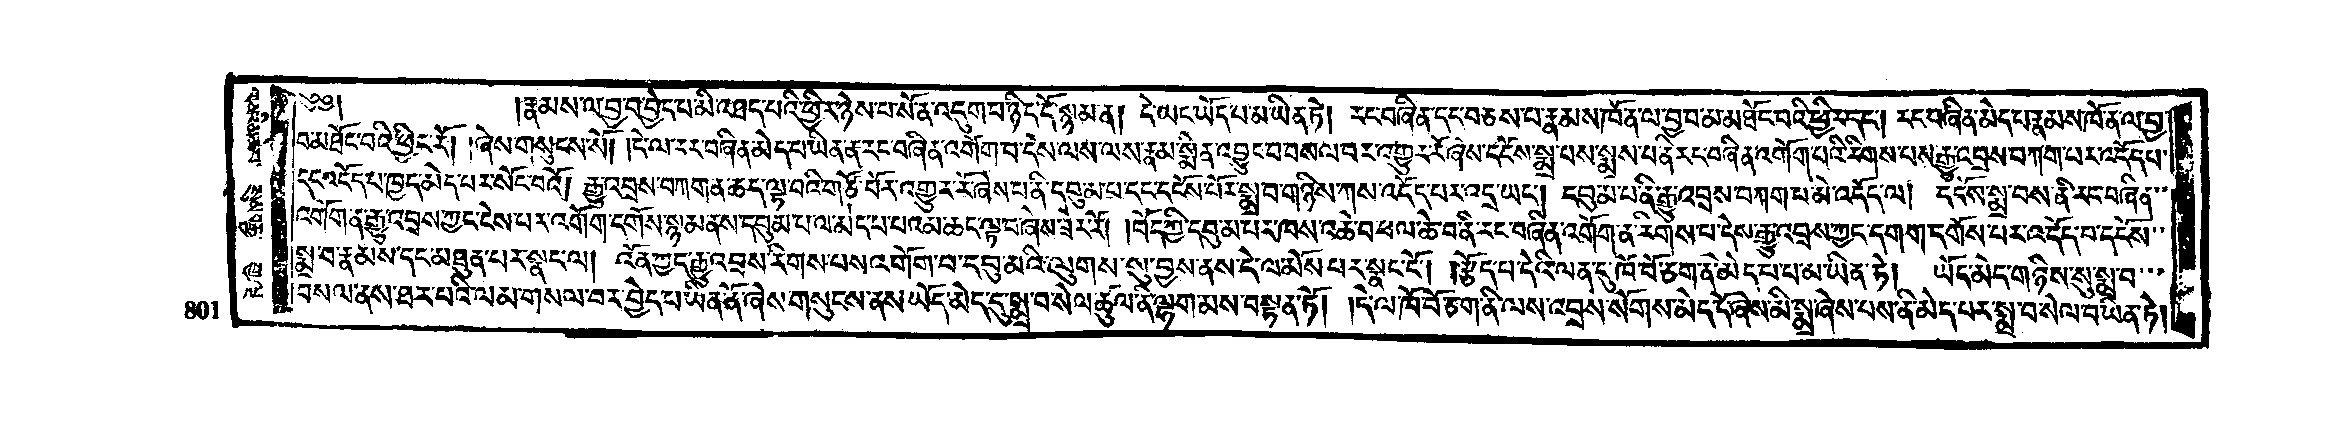༄༅། །རྣམས་ལ་བྱ་བ་བྱེད་པ་མི་འཐད་པའི་ཕྱིར་ཉེས་པ་སོ་ན་འདུག་པ་ཉིད་དོ་སྙམ་ན། དེ་ཡང་ཡོད་པ་མ་ཡིན་ཏེ། རང་བཞིན་དང་བཅས་པ་རྣམས་ཁོ་ན་ལ་བྱ་བ་མ་མཐོང་བའི་ཕྱིར་དང་། རང་བཞིན་མེད་པ་རྣམས་ཁོ་ན་ལ་བྱ་
བ་མཐོང་བའི་ཕྱིར་རོ། །ཞེས་གསུངས་སོ། །དེ་ལ་རང་བཞིན་མེད་པ་ཡིན་ན་རང་བཞིན་འགོག་པ་དེས་ལས་ལས་རྣམ་སྨིན་འབྱུང་བ་བསལ་བར་འགྱུར་རོ་ཞེས་དངོས་སྨྲ་བས་སྨྲས་པ་ནི་རང་བཞིན་འགོག་པའི་རིགས་པས་རྒྱུ་འབྲས་བཀག་པར་འདོད་པ་
དང་འདོད་པ་ཁྱད་མེད་པར་སོང་བའོ། །རྒྱུ་འབྲས་བཀག་ན་ཆད་ལྟ་བའི་གཙོ་བོར་འགྱུར་རོ་ཞེས་པ་ནི་དབུ་མ་པ་དང་དངོས་པོར་སྨྲ་བ་གཉིས་ཀས་འདོད་པར་འདྲ་ཡང་། དབུ་མ་པ་ནི་རྒྱུ་འབྲས་བཀག་པ་མི་འདོད་ལ། དངོས་སྨྲ་བས་ནི་རང་བཞིན་
འགོག་ན་རྒྱུ་འབྲས་ཀྱང་ངེས་པར་འགོག་དགོས་སྙམ་ནས་དབུམ་པ་ལ་མེད་པ་པའམ་ཆད་ལྟ་བ་ཞེས་ཟེར་རོ། །བོད་ཀྱི་དབུ་མ་པར་ཁས་འཆེ་བ་ཕལ་ཆེ་བ་ནི་རང་བཞིན་འགོག་ན་རིགས་པ་དེས་རྒྱུ་འབྲས་ཀྱང་དག་དགོས་པར་འདོད་པ་དངོས་
སྨྲ་བ་རྣམས་དང་མཐུན་པར་སྣང་ལ། འོན་ཀྱང་རྒྱུ་འབྲས་རིགས་པས་འགོག་པ་དབུ་མའི་ལུགས་སུ་བྱས་ནས་དེ་ལ་མོས་པར་སྣང་ངོ། །རྩོད་པ་དེའི་ལན་དུ་ཁོ་བོ་ཅག་ནི་མེད་པ་པ་མ་ཡིན་ཏེ། ཡོད་མེད་གཉིས་སུ་སྨྲ་བ་
བསལ་ནས་ཐར་པའི་ལམ་གསལ་བར་བྱེད་པ་ཡིན་ནོ་ཞེས་གསུངས་ན་ཡོད་མེད་དུ་སྨྲ་བ་སེལ་ཚུལ་ནི་ལྷག་མས་བསྟན་ཏོ། །དེ་ལ་ཁོ་བོ་ཅག་ནི་ལས་འབྲས་སོགས་མེད་དོ་ཞེས་མི་སྨྲ་ཞེས་པས་ནི་མེད་པར་སྨྲ་བ་སེལ་བ་ཡིན་ཏེ།